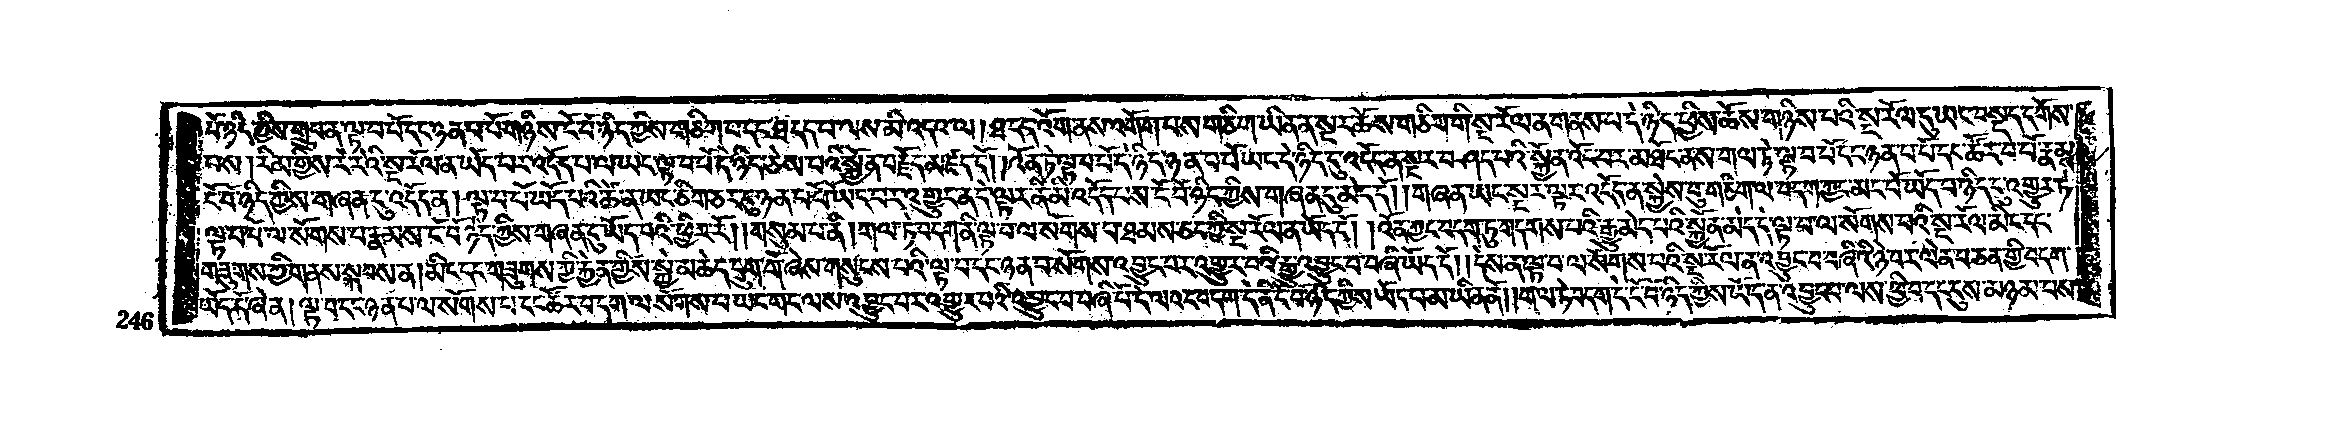བོ་ཉིད་ཀྱིས་གྲུབ་ན་ལྟ་བ་བཾ་དང་ཉན་པ་པོ་གཉིས་ངོ་བོ་ཉིད་ཀྱིས་གཅིག་པ་དང་ཐ་དད་པ་ལས་མི་འདའ་ལ། ཐ་དད་འོག་ནས་འགོག་པས་གཅིག་ཡིན་ན་སྔར་ཆོས་གཅིག་གི་སྔ་རོལ་ན་གནས་པ་དེ་ཉིད་ཕྱིས་ཆེས་གཉིས་པའི་སྔ་རོལ་དུ་ཡང་བསྡད་དགོས་
པས། རིམ་གྱིས་རེ་རེའི་སྔ་རོལ་ན་ཡོད་པར་འདོད་པ་ལ་ཡང་ལྟ་བ་པོ་དེ་ཉིད་ཅས་པའི་སྐྱོན་བརྗོད་མཛད་དོ། །འོན་ཏེ་ལྟ་བ་པོ་དེ་ཉིད་ཉན་པ་པོ་ཡང་དེ་ཉིད་དུ་འདོད་ན་སར་བཤད་པའི་སྐྱོན་འོང་བར་མཐོང་ནས་གལ་ཏེ་ལྟ་བ་པོ་དང་ཉན་པ་པོ་དང་ཚོར་བ་པོ་རྣམས་
ངོ་བོ་ཉིད་ཀྱིས་གཞན་དུ་འདོད་ན། ལྟ་བ་ཕོ་ཡོད་པའི་ཚེ་ན་ཡང་ཅིག་ཅར་དུ་ཉན་པ་པོ་ཡོད་པར་འགྱུར་ན་དེ་ལྟར་ནི་མི་འདོད་པས་ངོ་བོ་ཉིད་ཀྱིས་གཞན་དུ་མེད་དོ། །གཞན་ཡང་སྔར་ལྟར་འདོད་ན་སྐྱེས་བུ་གཅིག་ལ་བདག་ཀྱང་མང་པོ་ཡོད་པ་ཉིད་དུ་འགྱུར་ཏེ་
ལྟ་བ་ངོ་ལ་སོགས་པ་རྣམས་ངོ་བོ་ཉིད་ཀྱིས་གཞན་དུ་ཡོད་པའི་ཕྱིར་རོ། །གསུམ་པ་ནི། གལ་ཏེ་བདག་ནི་ལྟ་བ་ལ་སོགས་པ་ཐམས་ཅད་ཀྱི་སྔ་རོལ་ན་ཡོད་དོ། །འོན་ཀྱང་བདག་ཏུ་གདགས་པའི་རྒྱུ་མེད་པའི་སྐྱོན་མེད་དེ་ལྟ་བ་ལ་སོགས་པའི་སྔ་རོལ་མིང་དང་
གཟུགས་ཀྱི་གནས་སྐབས་ན། མིང་དང་གཟུགས་ཀྱི་རྐྱེན་གྱིས་སྐྱེ་མཆེད་དྲུག་གོ་ཞེས་གསུངས་པའི་ལྟ་བ་དང་ཉན་པ་སོགས་འབྱུང་བར་འགྱུར་བའི་རྒྱུ་འབྱུང་བ་བཞི་ཡོད་དོ། །དེས་ན་ལྟ་བ་ལ་སོགས་པའི་སྔ་རོལ་ན་འབྱུང་བ་བཞིའི་ཉ་བར་ལེན་པ་ཅན་གྱི་བདག་
ཡོད་དེ་ཞེ་ན། ལྟ་བ་དང་ཉན་པ་ལ་སོགས་པ་དང་ཚོར་བདག་ལ་སོགས་པ་ཡང་གང་ལས་འབྱུང་བར་འགྱུར་བའི་འབྱུང་བ་བཞི་པོ་དེ་ལའང་བདག་དེ་ནི་ངོ་བོ་ཉིད་ཀྱིས་ཡོད་པ་མ་ཡིན་ནོ། །གལ་ཏེ་བདག་དེ་ངོ་བོ་ཉིད་ཀྱིས་ཡོད་ན་འབྱུང་བ་ལས་ཕྱི་བ་དང་དུས་མཉམ་པས་